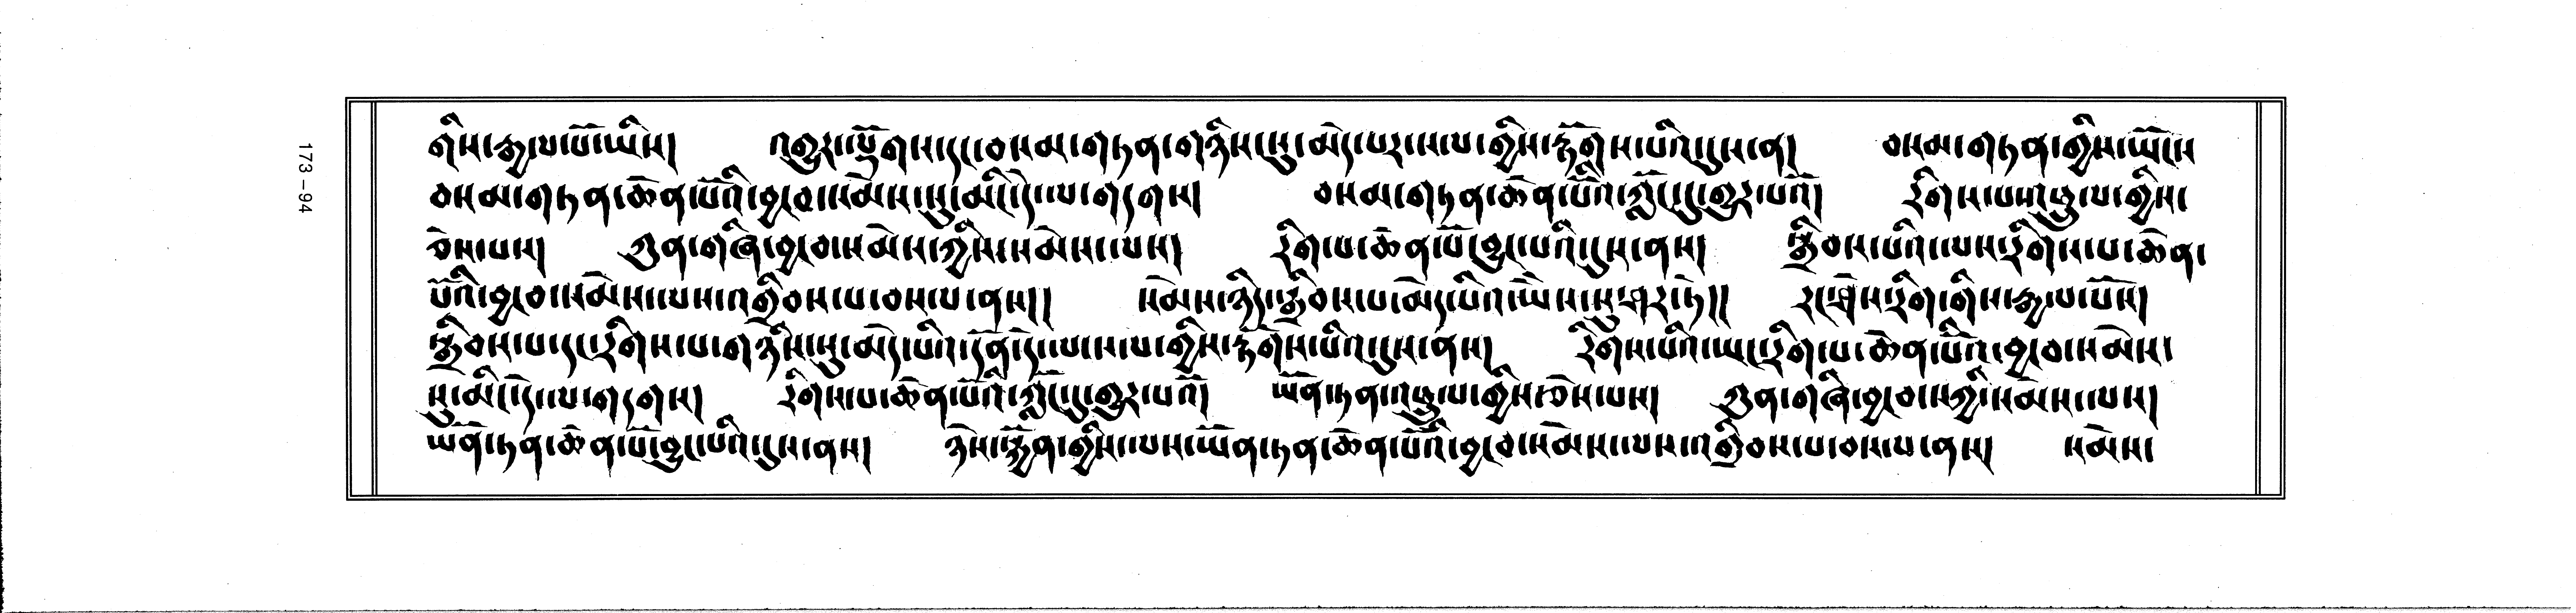གི་རྒྱལ་པོ་ཡིས། འགྱུར་ལྡོག་དང་བསམ་གཏན་གཉིས་སུ་མེད་པ་སལ་གྱིས་རྟོགས་པའི་དུས་ན། བསམ་གཏན་གྱིས་ཡོངས་
བསམ་གཏན་ཆེན་པོའི་བྱང་ཆུབ་སེམས་སུ་མིང་དེ་ལ་གདགས། བསམ་གཏན་ཆེན་པོའི་ཀློང་དུ་གྱུར་པའོ། །རིག་པ་འཕྲུལ་གྱིས་
ཅེས་པས། ཀུན་གཞི་བྱང་ཆུབ་སེམས་ཀྱིས་ཅེས་པས། ཀུན་གཞི་བྱང་ཆུབ་སེམས་ཀྱིས་སེམས་ལས། རིག་པ་ཆེན་པོ་
བྱུང་བའི་དུས་ནས། སྒྲིབ་པའི་ལས་རིག་པ་ཆེན་པོའི་བྱང་ཆུབ་སེམས་ལས་འགྲིབ་པ་བསལ་ནས། སེམས་ཉིད་སྒྲིབ་པ་མེད་པའི་ཡེ་ཤེས་སུ་ཤར་ཏེ། རང་ཤེས་རིག་རྒྱལ་པོས། 
སྒྲིབ་པ་དང་རིག་པ་གཉིས་སུ་མེད་པའི་དོན་དེ་ལ་སལ་གྱིས་རྟོགས་པའི་དུས་ནས། རིག་པའི་ཡང་རིག་པ་ཆེན་པོའི་བྱང་ཆུབ་སེམས་
སུ་མིང་དེ་ལ་གདགས། རིག་པ་ཆེན་པོའི་ཀློང་དུ་གྱུར་པའོ། །ཡོན་ཏན་འཕྲུལ་གྱིས་ཅེས་པས། ཀུན་གཞི་བྱང་ཆུབ་ཀྱི་སེམས་ལས།
ཡོན་ཏན་ཆེན་པོ་བྱུང་བའི་དུས་ནས། ཉེས་སྐྱོན་གྱི་ལས་ཡོན་ཏན་ཆེན་པོའི་བྱང་ཆུབ་སེམས་ལས་འགྲིབ་པ་བསལ་ནས། སེམས་